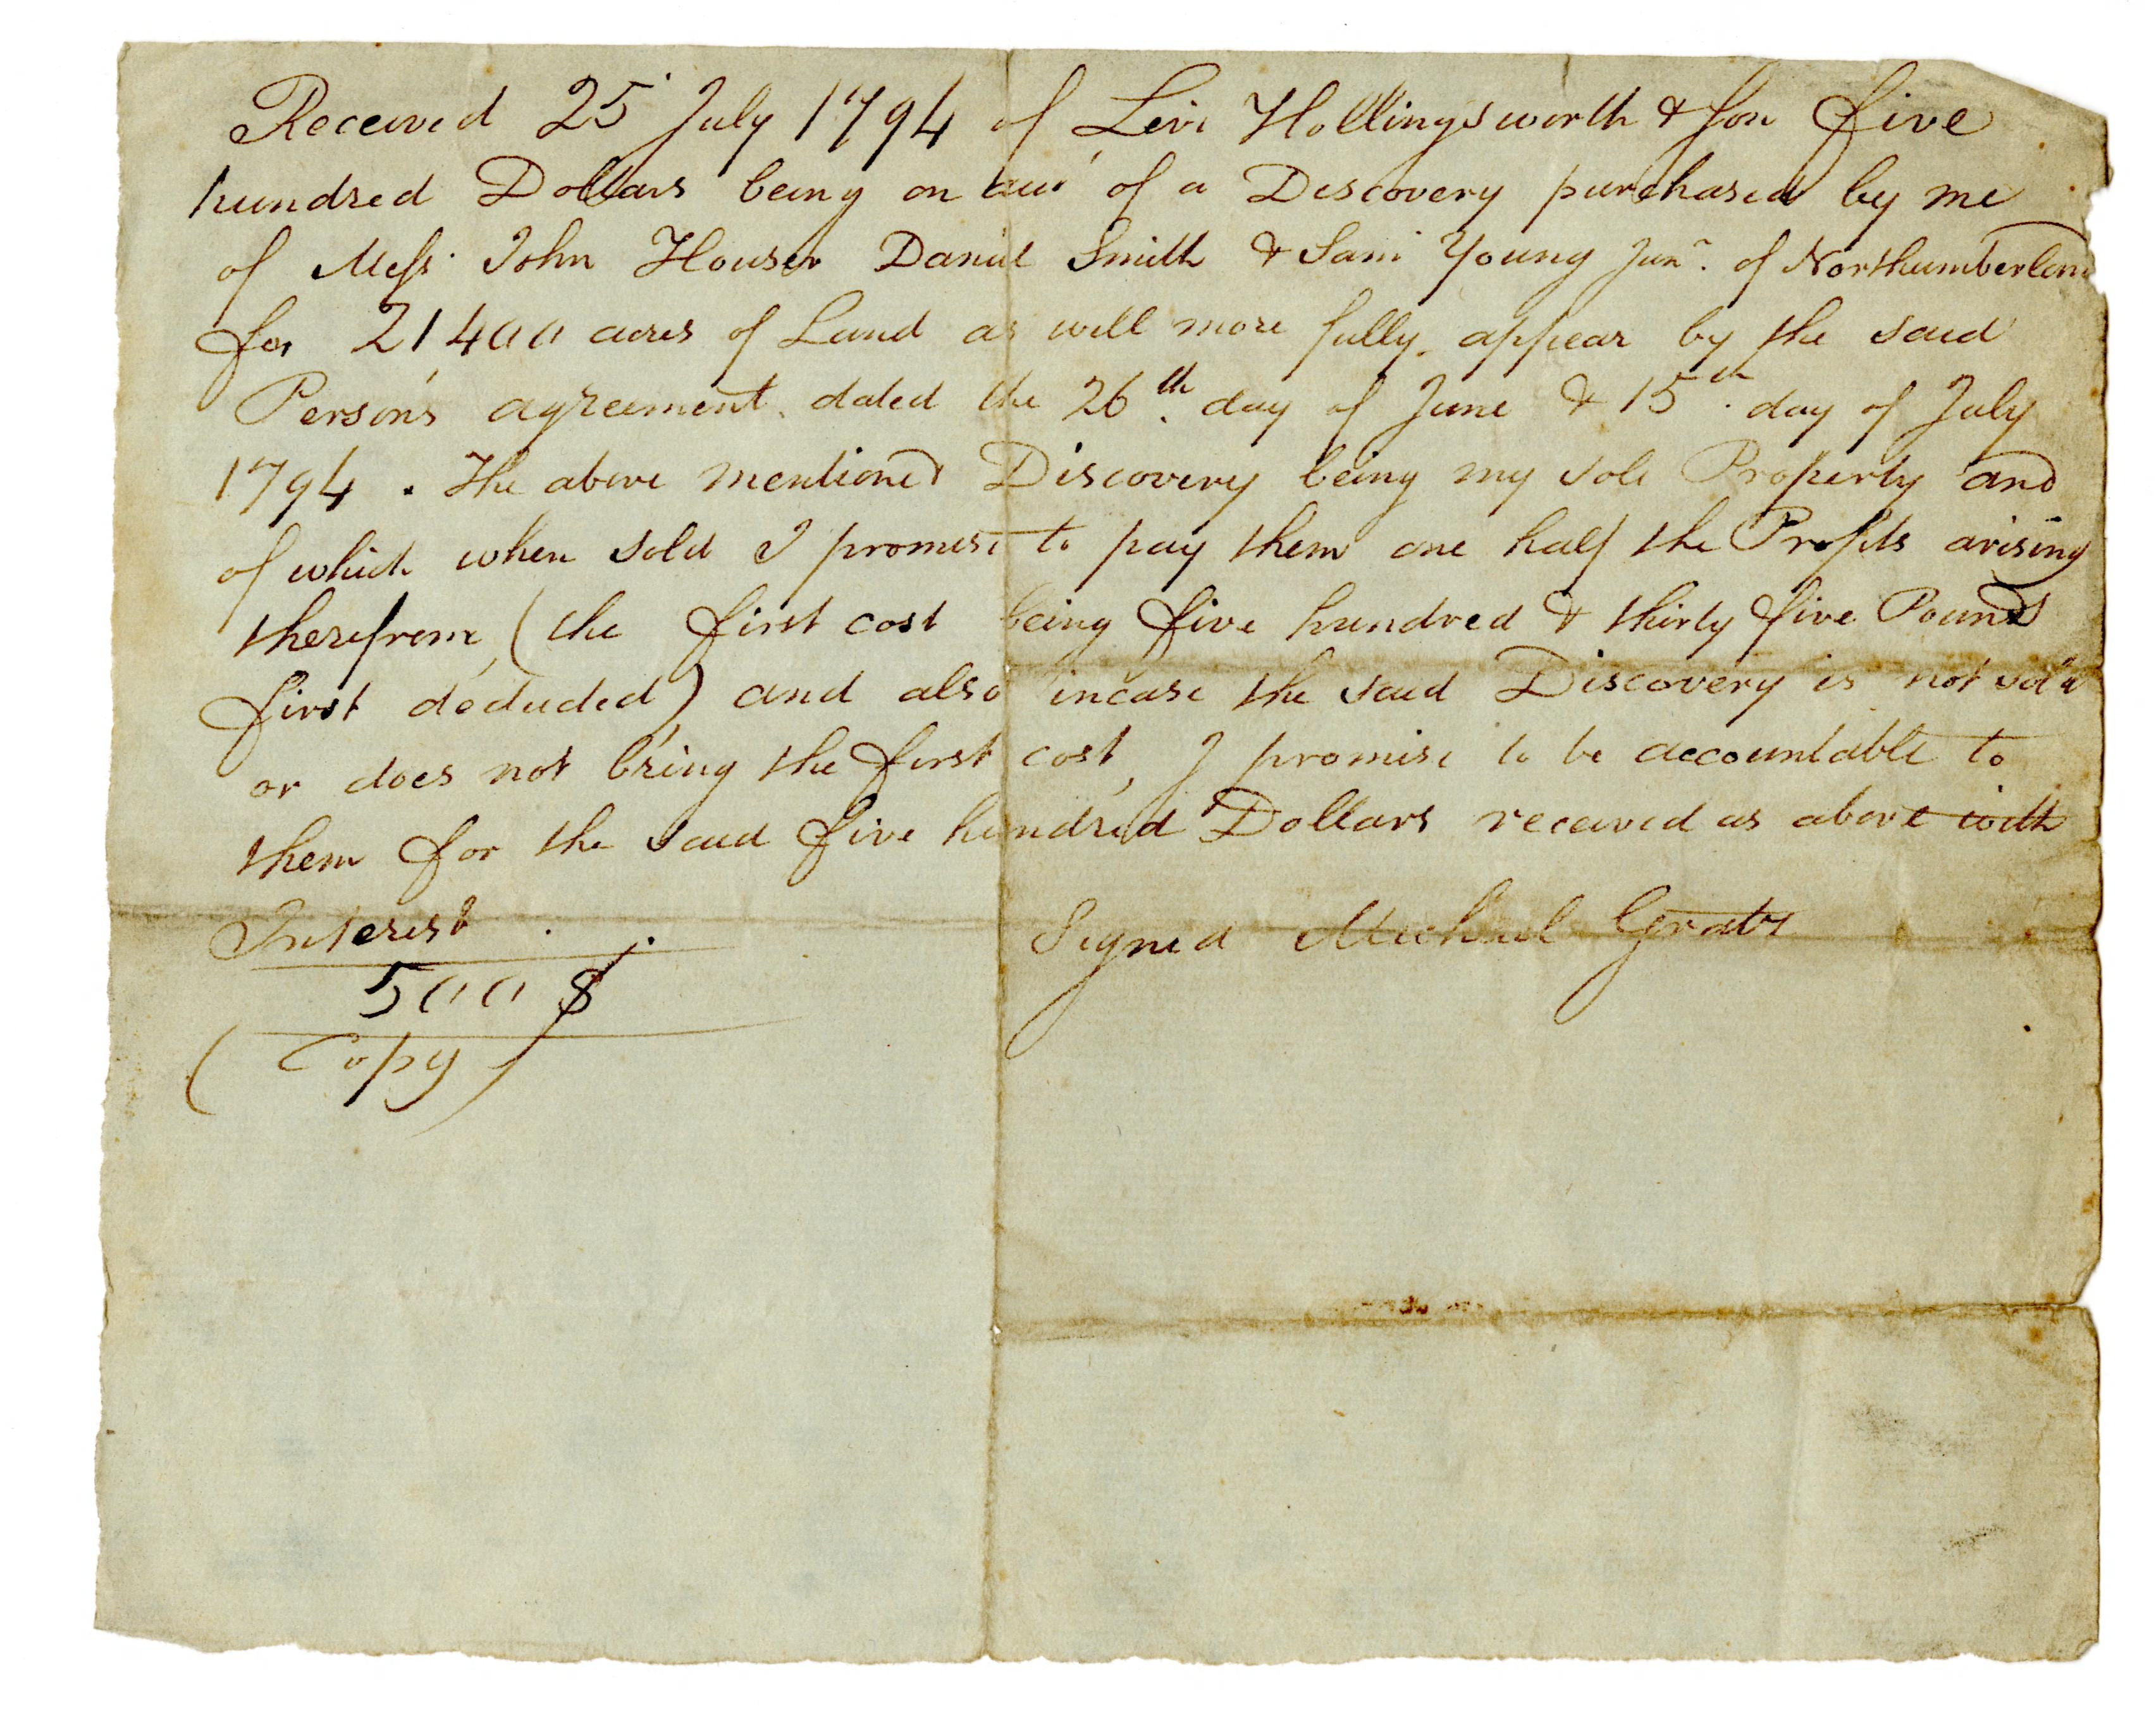Received 25 July 1794 of Levi Hollingswenth & for five
hundred Dollars being on bon of a Discovery purchased by me
of Mess. John Houser Daniel Smith & Ian Young Jun^r. of Northumberland
for 21400 acres of Land as will more fully appear by the said
Person's agreement dated the 26^th. day of June & 15^th. day of July
1794. The above mentioned Discovery being my sole Property and
of which when sold I promise to pay them one half the Profits arising
therefrom (the first cost being five hundred & thirty five Pounds
first deducted) and also in case the said Discovery is not [___]
or does not bring the first cost, I promise to be decountable to
them for the said five hundred Dollars received as above with
Interest.
500$
Copy
Signed Michael Gratz